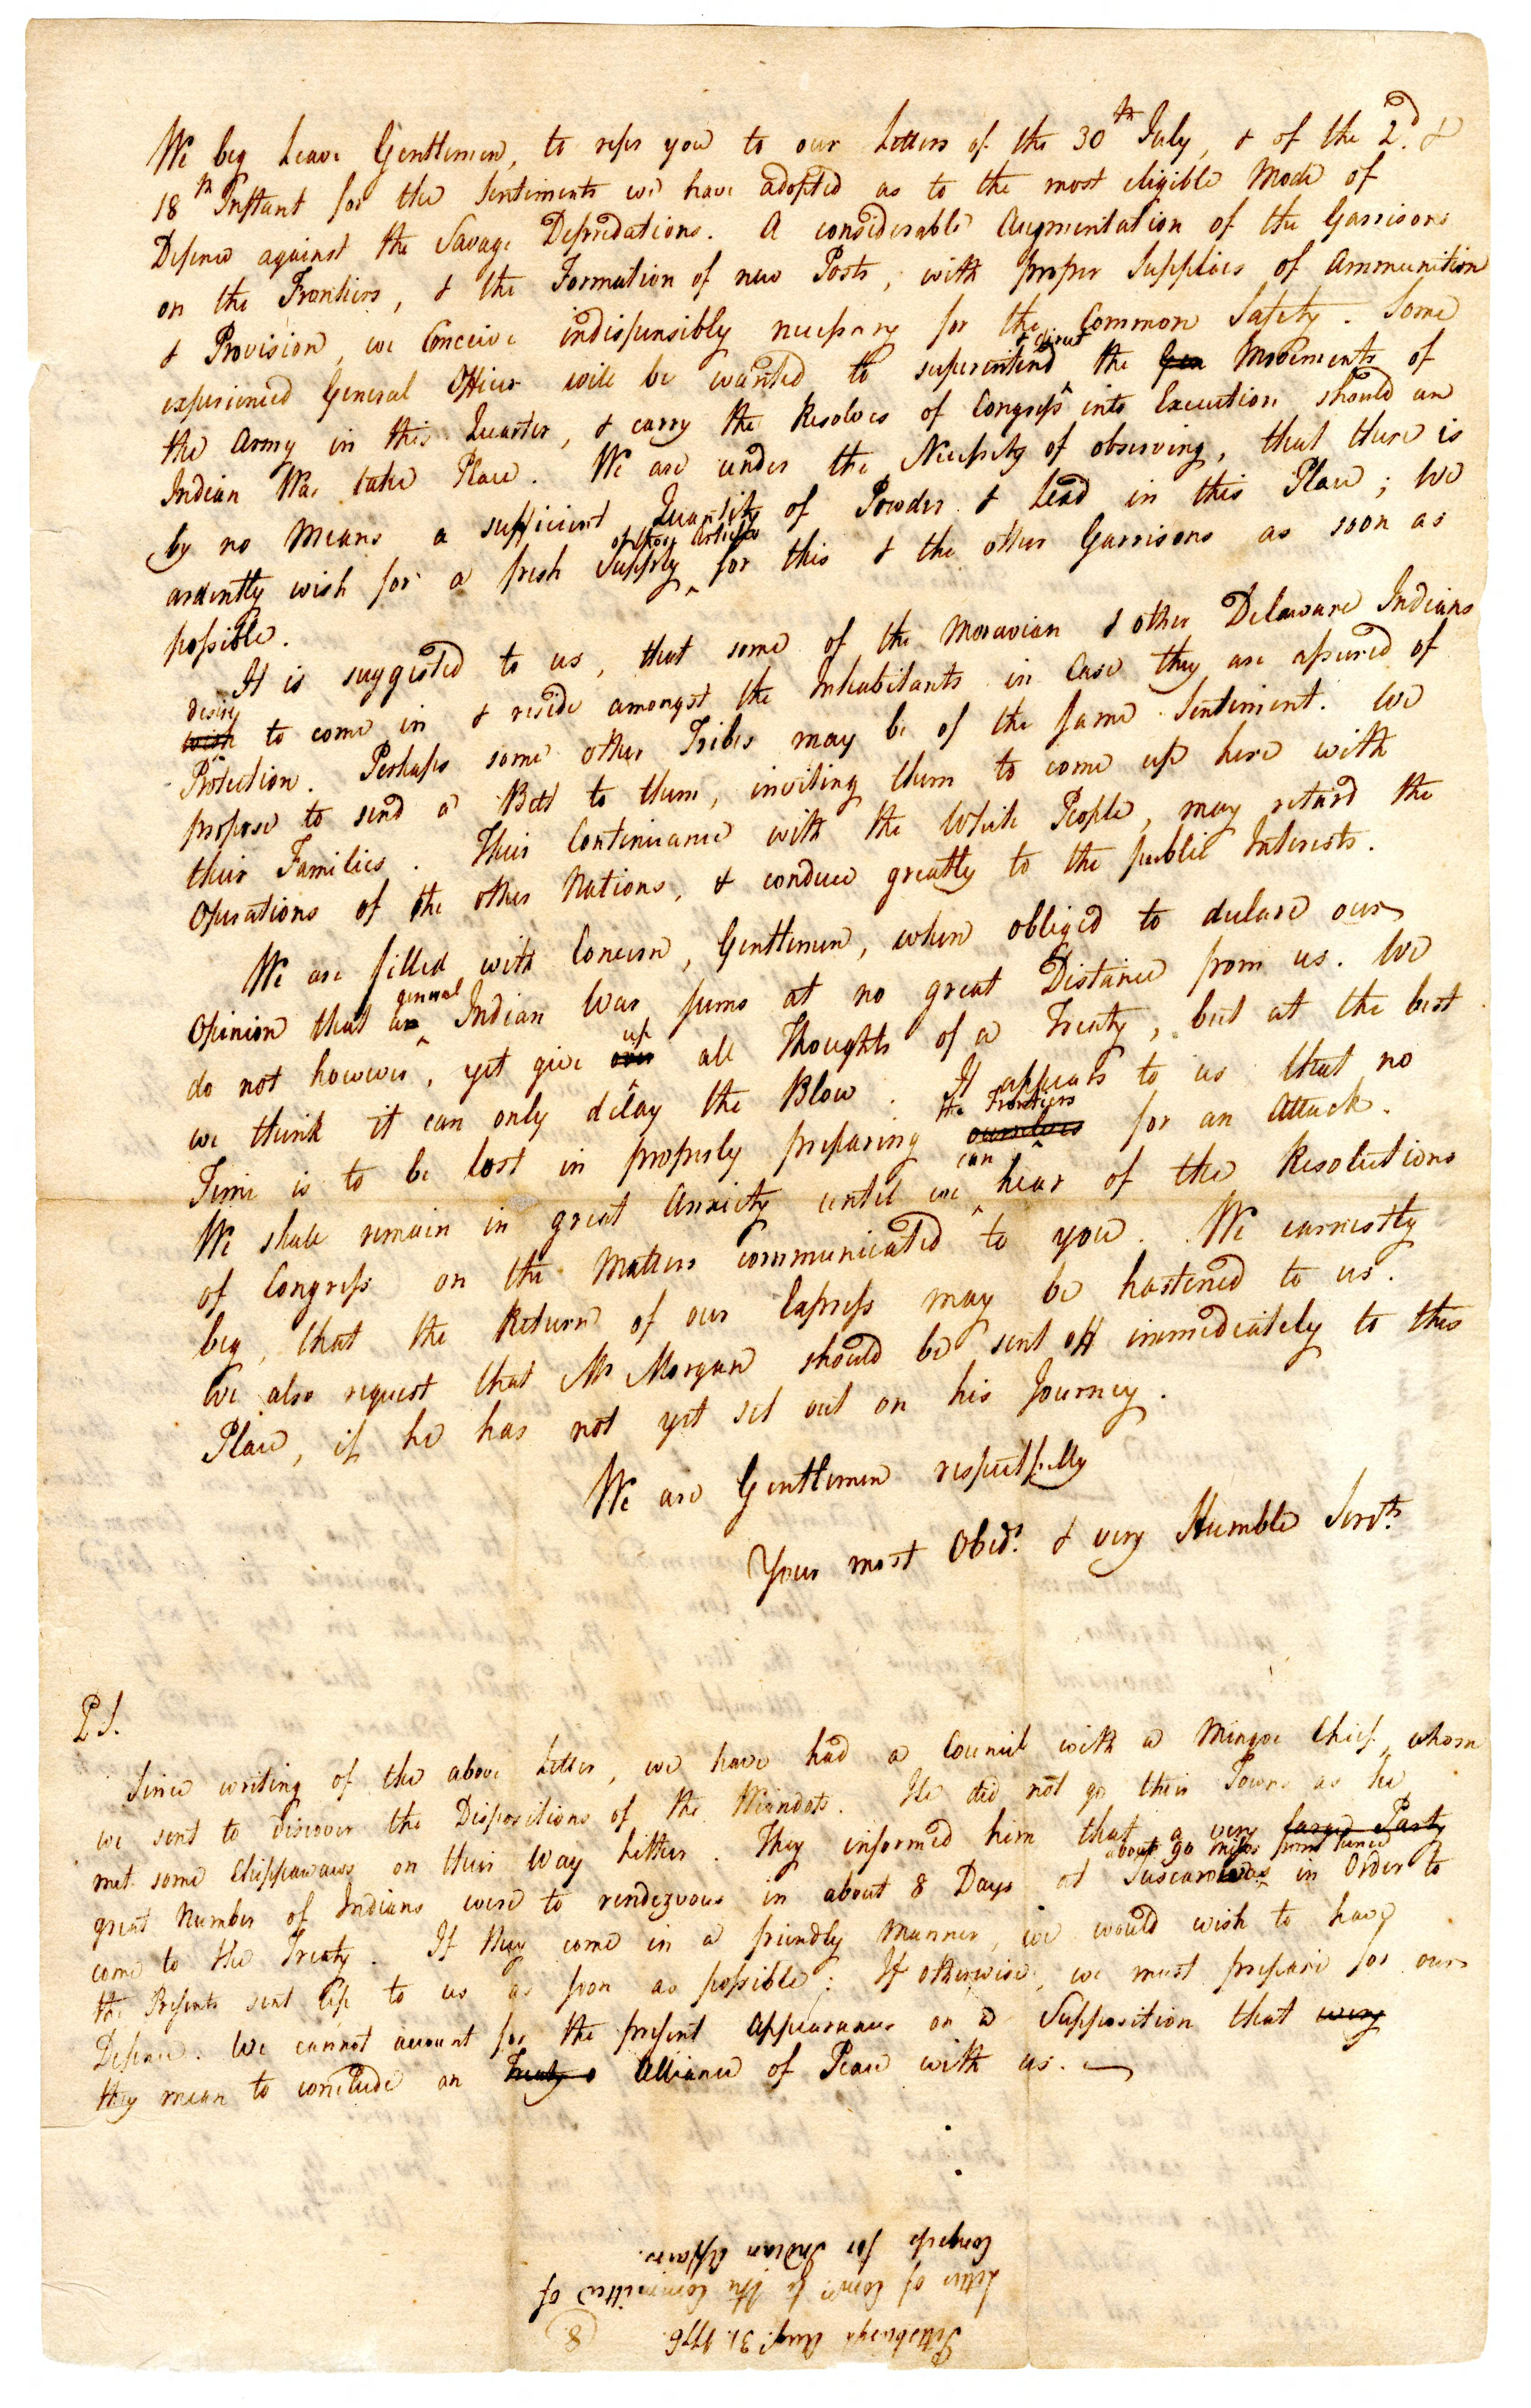We beg Leave Gentlemen, to refer you to our Letters of the 30^th July, & of the 2^d.
18^th Instant for the Sentiments we have adopted as to the most eligible mode of
Defense against the Savage Depredations. A considerable Augmentation of the Garrisons
on the Frontiers, & the Formation of new Posts, with proper Supplies of Ammunition
& Provision, we Conceive indispensibly necessary for the Common Safety. Some
& direct
experienced General Officer will be wanted to superintend ^ the Movements of
the Army in this Quarter, & carry the Resolves of Congress into Execution should an
Indian War take Place. We are under the Necessity of observing, that there is
by no means a sufficient Quantity of Powder & Lead in this Place; we
of store Articles
ardently wish for a fresh Supply ^ for this & the other Garrisons as soon as
possible.
It is suggested to us, that some of the Moravian & other Delaware Indians
desire
wish to come in & reside amongst the Inhabitants in Case they are assured of
Protection. Perhaps some other Tribes may be of the same Sentiment. We
propose to send a Btl to them, inviting them to come up here with
their Families. Their Continuance with the White People, may retard the
Operations of the other Nations, & conduce greatly to the public Interests.
We are filled with Concern, Gentlemen, when obliged to declare our
general
Opinion that an ^ Indian War sums at no great Distance from us. We
up
do not however, yet give ^ over all Thoughts of a Treaty, but at the best
we think it can only delay the Blow. It appears to us that no
the Frontiers
Time is to be lost in properly preparing [ourselves] ^ for an attack.
can
We shall remain in great Anxiety until we ^ hear of the Resolutions
of Congress on the matter communicated to you. We earnestly
beg, that the Return of our Express may be hastened to us.
We also request that M^r Morgan should be sent off immediately to the
Place, if he has not yet set out on his Journey.
We are Gentlemen respectfully
Your most Obed^t & very Humble Serv^ts.
PS.
Since writing of the above Letter, we have had a Council with a Mingo Chief, whom
we sent to discover the Dispositions of the Wiandots. He did not go then Towne as he
about 90 Miles from hence
met some Chippawaws on their way hither. They informed him that a very large Party
great number of Indians were to rendezvous in about 8 Days at Tuscarawas in Order to
come to the Treaty. If they come in a friendly manner we would wish to have
the Presents sent to us as soon as possible: If otherwise, we must prepare for our
Defense. We cannot account for the present Appearance on a Supposition that every
they mean to conclude an [Treaty] Alliance of Peace with us.-
Pittsburgh Aug^t. 31. 1776.
Letter of Com^r. to the Committee of
Congress for Indian Affairs.